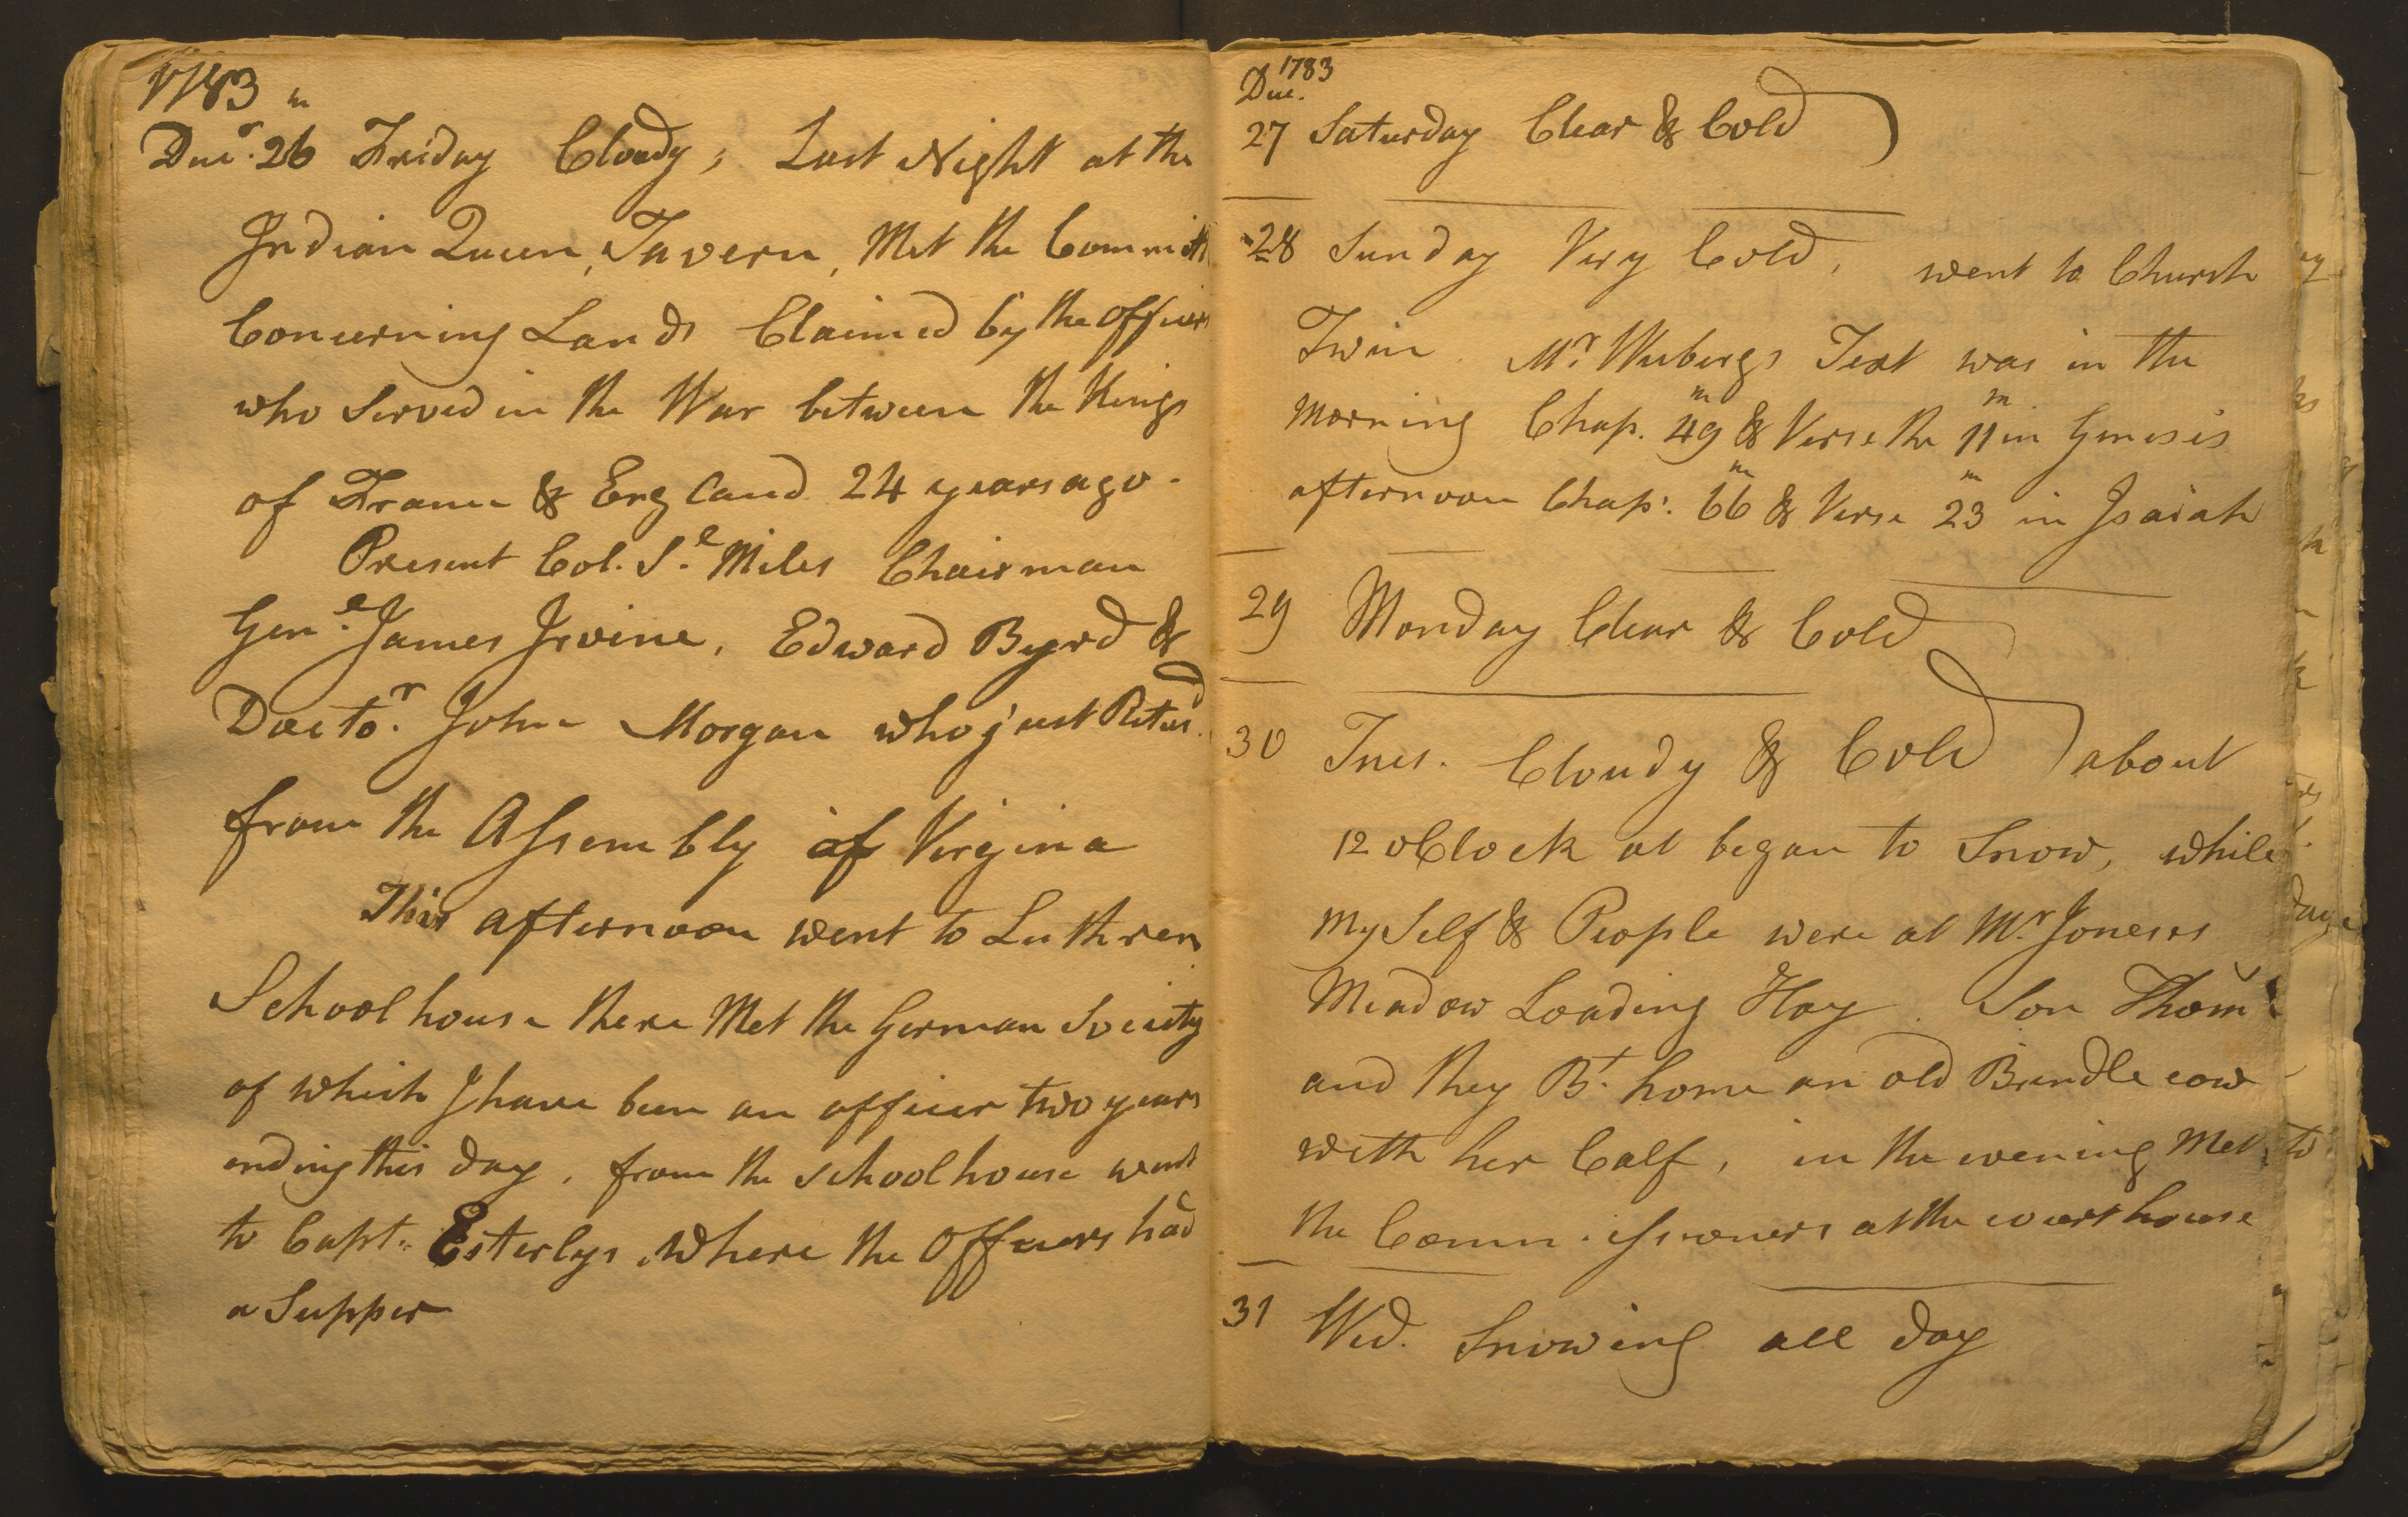1783
Dec^r. 26^th Friday Cloudy, Last Night at the
Indian Queen Tavern, Met the Committ
Concerning Lands Claimed by the Officers
who served in the War between the Kings
of France & England 24 years ago
Present Col. S^l. Miles Chairman
Gen^l. James Irvine, Edward Byrd &
Docto^r. Joh Morgan who just Retur^d.
from the Assembly of Virgina
This afternoon went to Luthren
Schoolhouse there Met the German Society
of which I have been an officer two years
ending this day from the school house went
to Capt. Esterlys Where the Offccers had
a Supper
1783
Dec.
27 Saturday Clear & Cold
28 Sunday Very Cold, went to Church
Twice. M^r. Weibergs Text was in the
Morning Chap. 49^th & Verse 11^th in Genesis
afternoon Chap: 66^th & Verse 23^th in Isaiah
29 Monday Clear & Cold
30 Tues. Cloudy & Cole about
12 oClock at began to Snow, while
My Self & People were at M^r. Joneses
Meadow Loading Hay Son Thom^s
and they B^t. home an old Brindle cow
with her Calf, in the evening Met
the Commissioners at the court house
31 Wed. Snowing all day